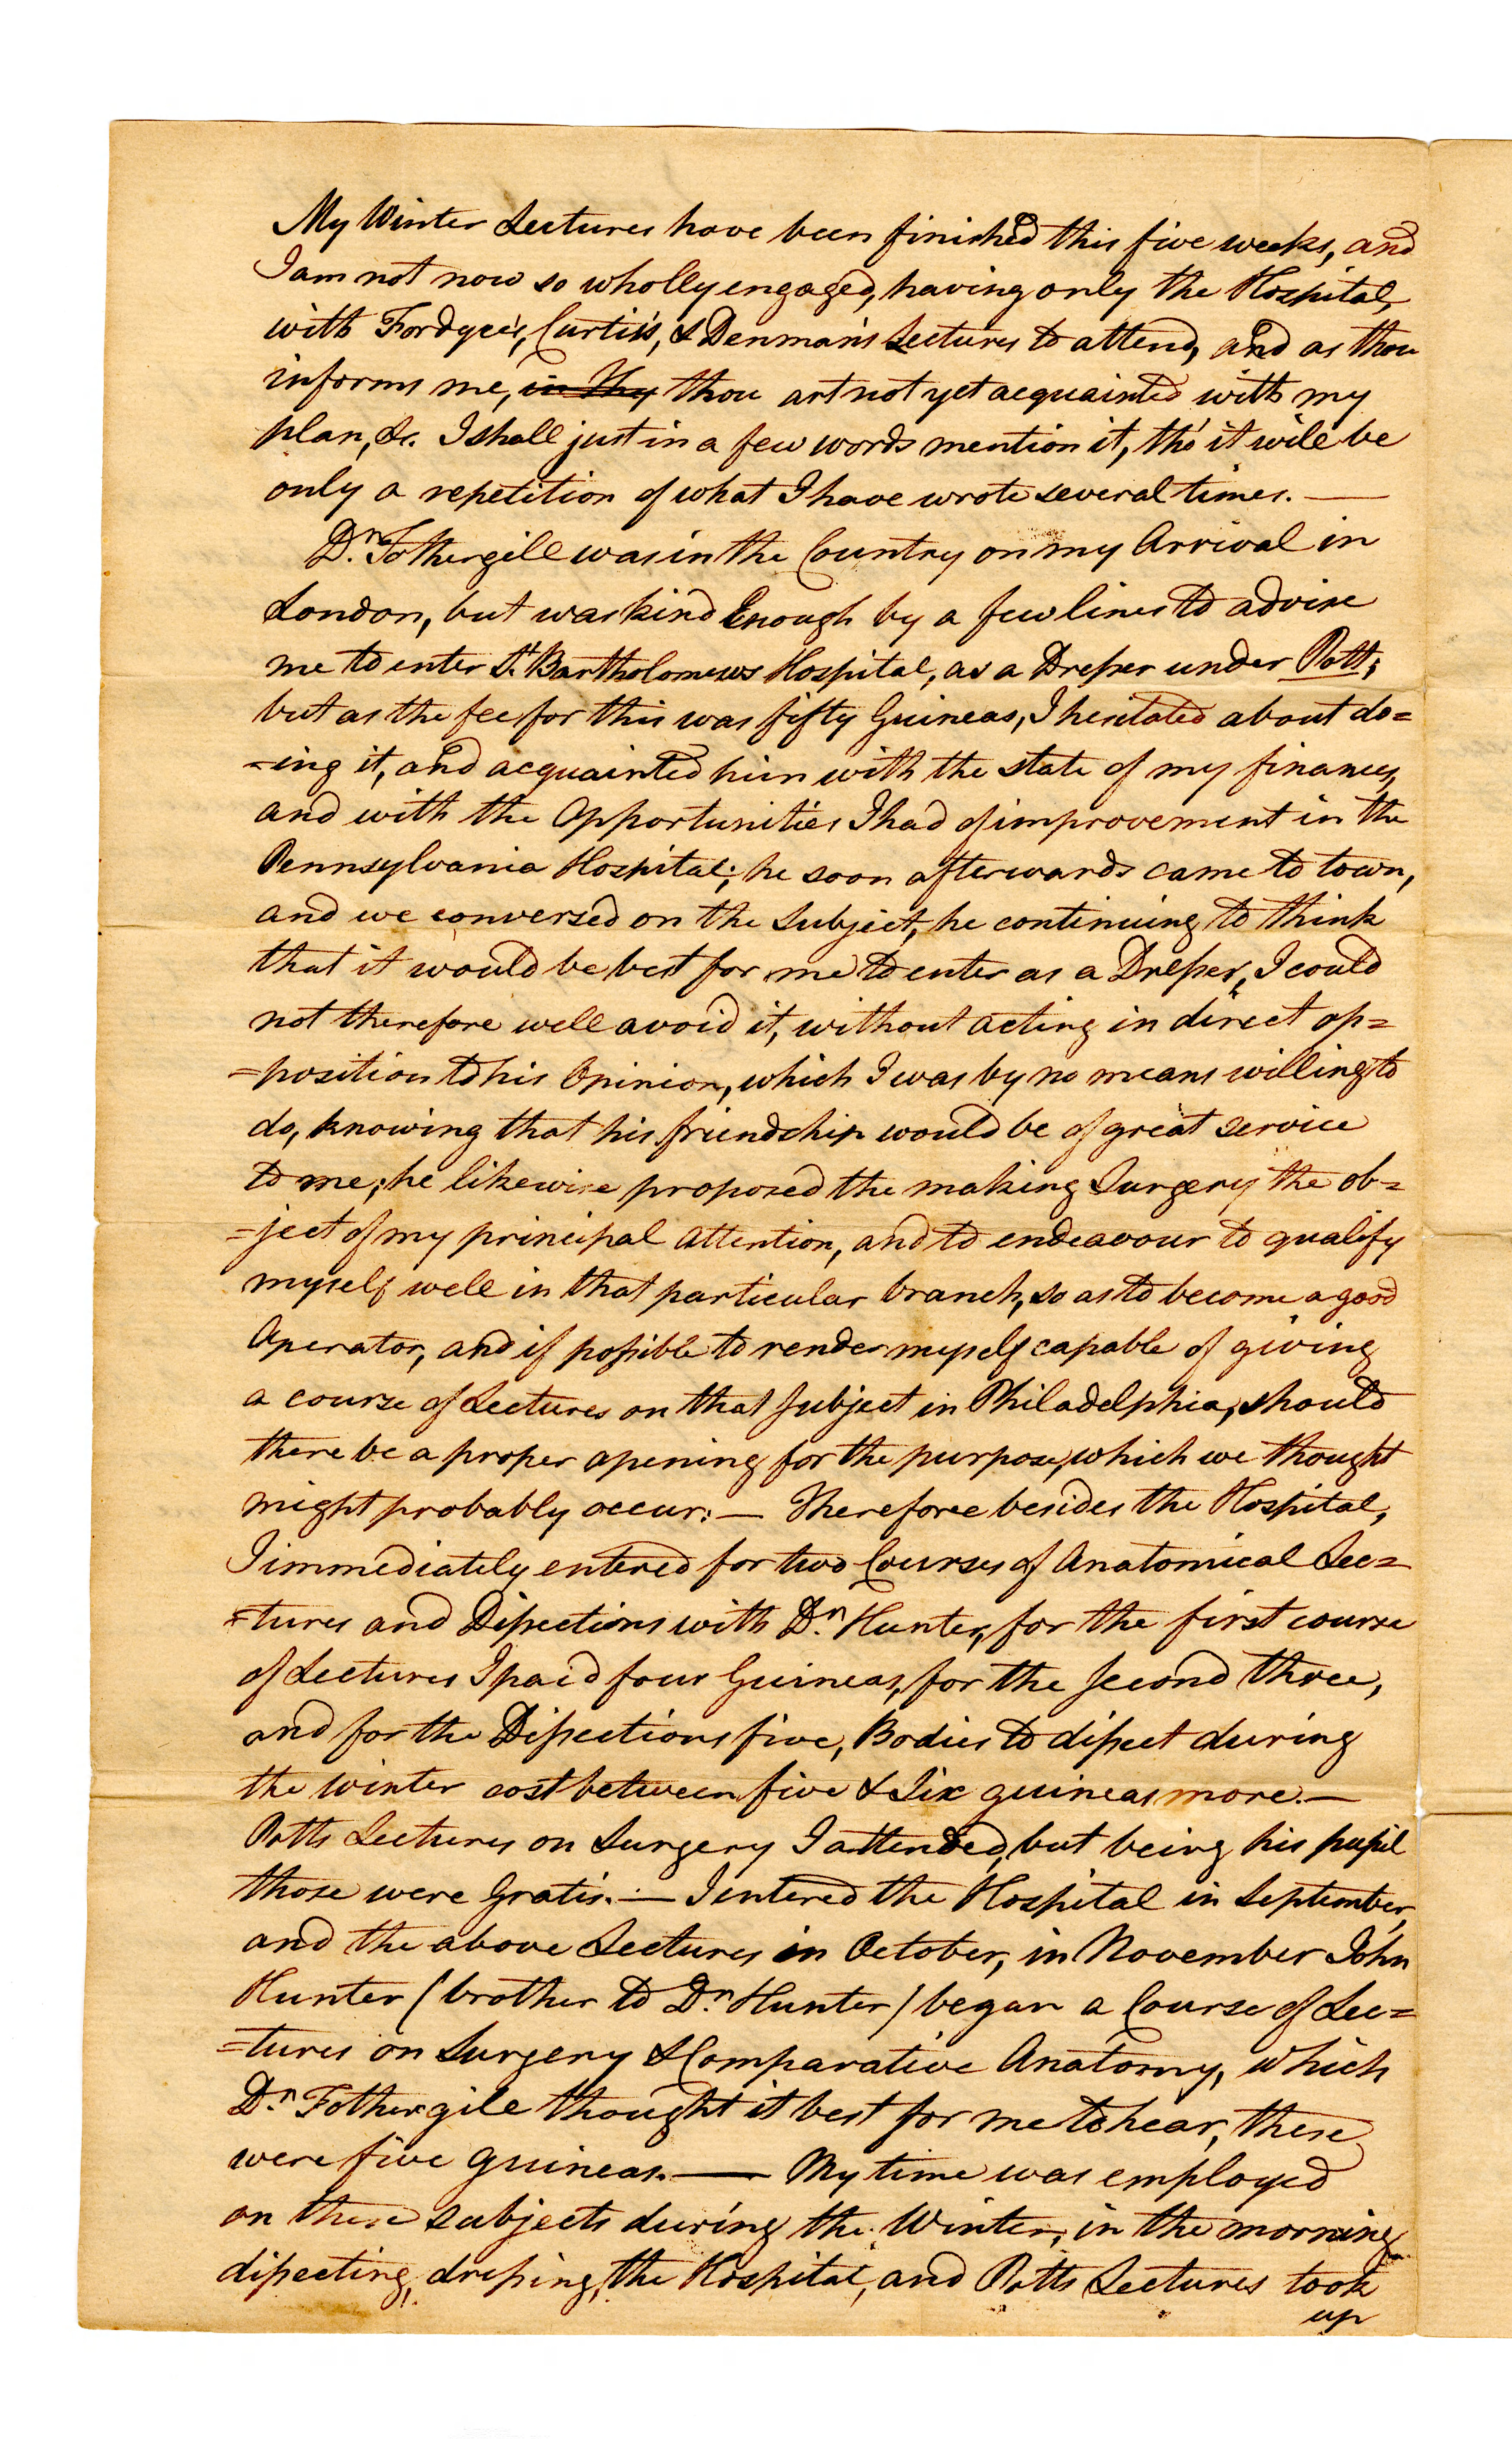My Winter Lectures have been finished this five weeks, and
I am not now so wholly engaged, having only the Hospital,
with Fordyce's, Curtis's, & Denman's Lectures to attend, and as thou
informs me, thou art not yet acquainted with my
plan, &c. I shall just in a few words mention it, tho' it will be
only a repetition of what I have wrote several times.-
D^r. Fothergill was in the Country on my Arrival in
London, but was kind Enough by a few lines to advise
me to enter S^t. Bartholomews Hospital, as a Dresser under Potts
but as the fee for this was fifty Guineas, I hesitated about do-
-ing it, and acquainted him with the state of my finances,
and with the Opportunities I had of improvement in the
Pennsylvania Hospital; he soon afterwards came to town,
and we conversed on the Subject, he continuing to think
that it would be but for me to enter as a Dresser, I could
not therefore well avoid it, without acting in direct op-
-position to his Opinion, which I was by no means willing to
do, knowing that his friendship would be of great service
to me; he likewise proposed the making Surgery the ob-
-ject of my principal attention, and to endeavour to qualify
myself well in that particular branch, so as to become a good
Operator, and if possible to render myself capable of giving
a course of Lectures on that Subject in Philadelphia, should
there be a proper opening for the purpose, which we thought
might probably occur:- Therefore besides the Hospital,
I immediately entered for two Courses of Anatomical Lec-
-tures and Dissections with D^r. Hunter, for the first course
of Lectures I paid four Guineas, for the second three,
and for the Dissections five, Bodies to dissect during
the winter cost between five & six guineas more.-
Potts Lectures on Surgery I attended, but being his pupil
those were gratis.- I entered the Hospital in September,
and the above Lectures in October, in November John
Hunter (brother to D^r. Hunter) began a Course of Lec-
-tures on Surgery & Comparative Anatomy, which
D^r. Fothergill thought it best for me to hear, these
were five guineas.- My time was employed
on these subjects during the Winter, in the morning
dissecting, dressing, the Hospital, and Potts Lectures took
up